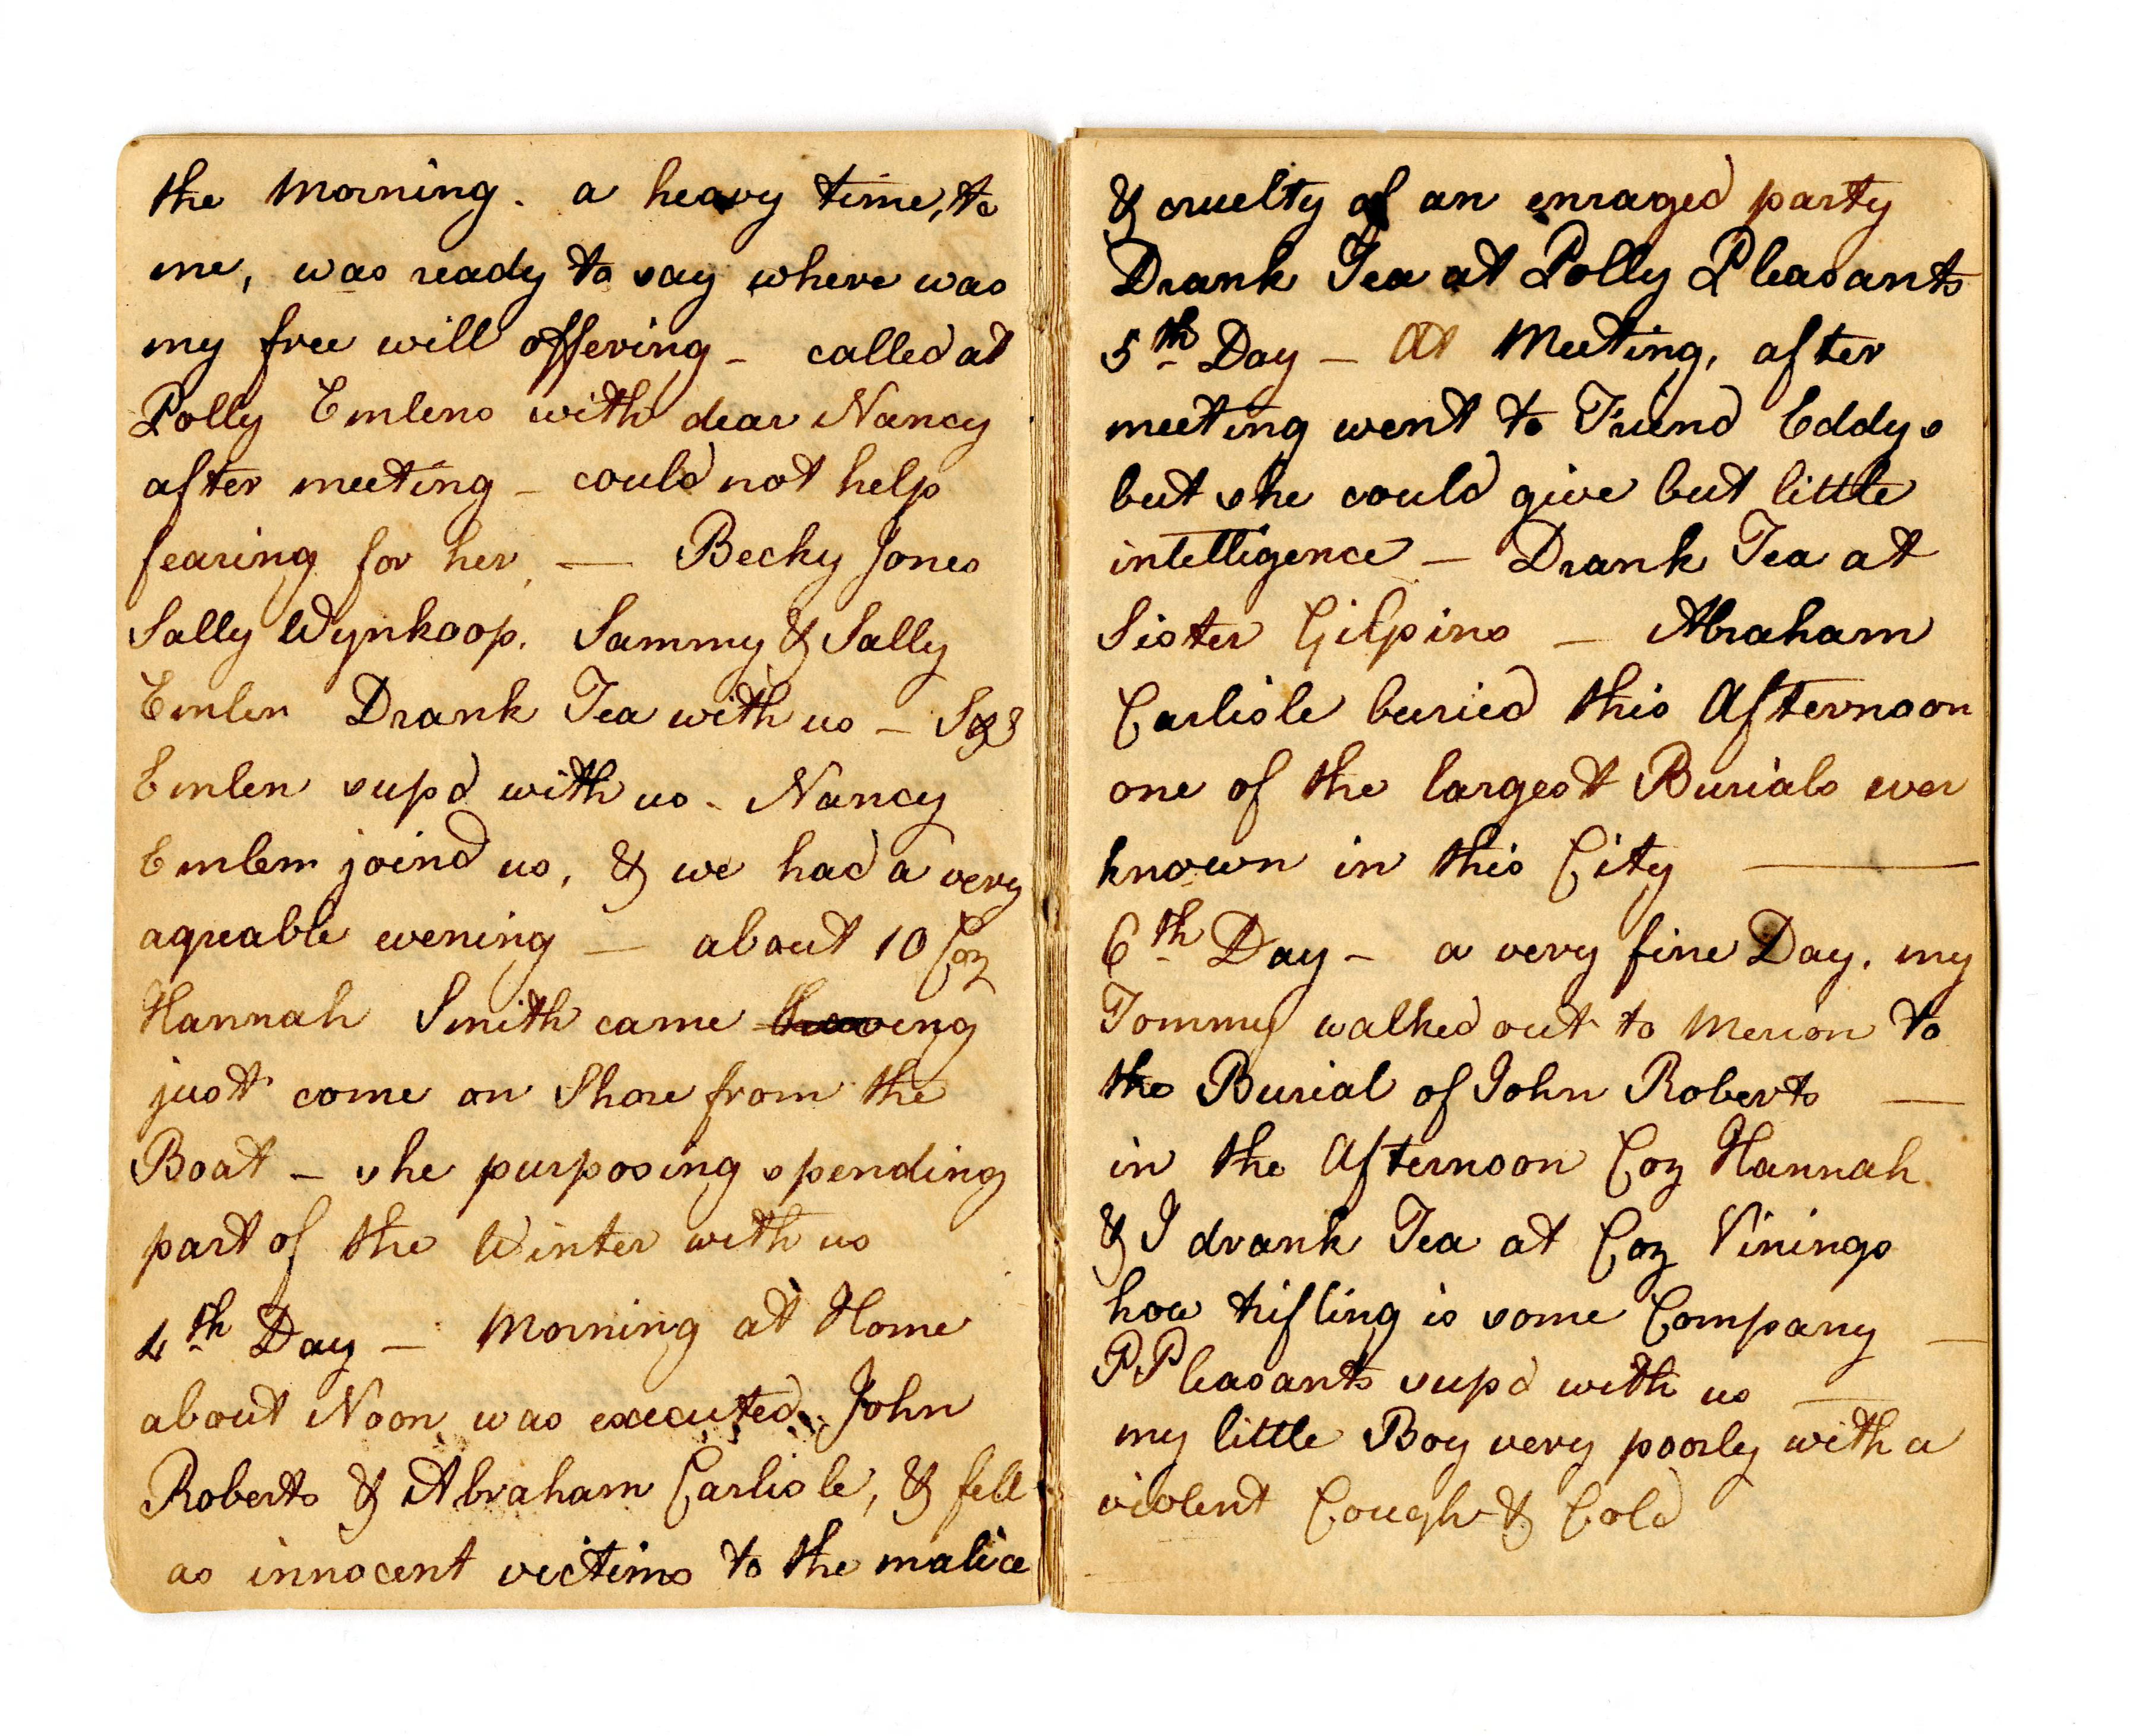the morning. a heavy time, to
me, was ready to say where was
my free will offering- called at
Polly Emlens with dear Nancy
after meeting- could not help
fearing for her,- Becky Jones
Sally Wynkoop, Sammy & Sally
Emlen, Drank Tea with us- S&S
Emlen supd with us- Nancy
Emlem goind us, & we had a very
agreable evening- about 10 Coz
Hannah Smith came [hav]ing
just come on Shore from the
Boat- she purposing spending
part of the Winter with us
4^th Day- Morning at Home
about Noon was executed. John
Roberts & Abraham Carlisle, & fell
as innocent victims to the malice
& cruelty of an enraged party
Drank Tea at Polly Pleasants
5^th Day- At Meeting, after
meeting went to Friend Eddys
but she could give but little
intelligence- Drank Tea at
Sister Gilpins- Abraham
Carlisle buried this Afternoon
one of the largest Burials ever
known in this City
6^th Day- a very fine Day. my
Tommy walked out to Merion to
the Burial of John Roberts
in the Afternoon Coz Hannah
& I drank Tea at Coz Vinings
how killing is some Company
P Pleasants supd with us-
my little Boy very poorly with a
violent Cough & Cold